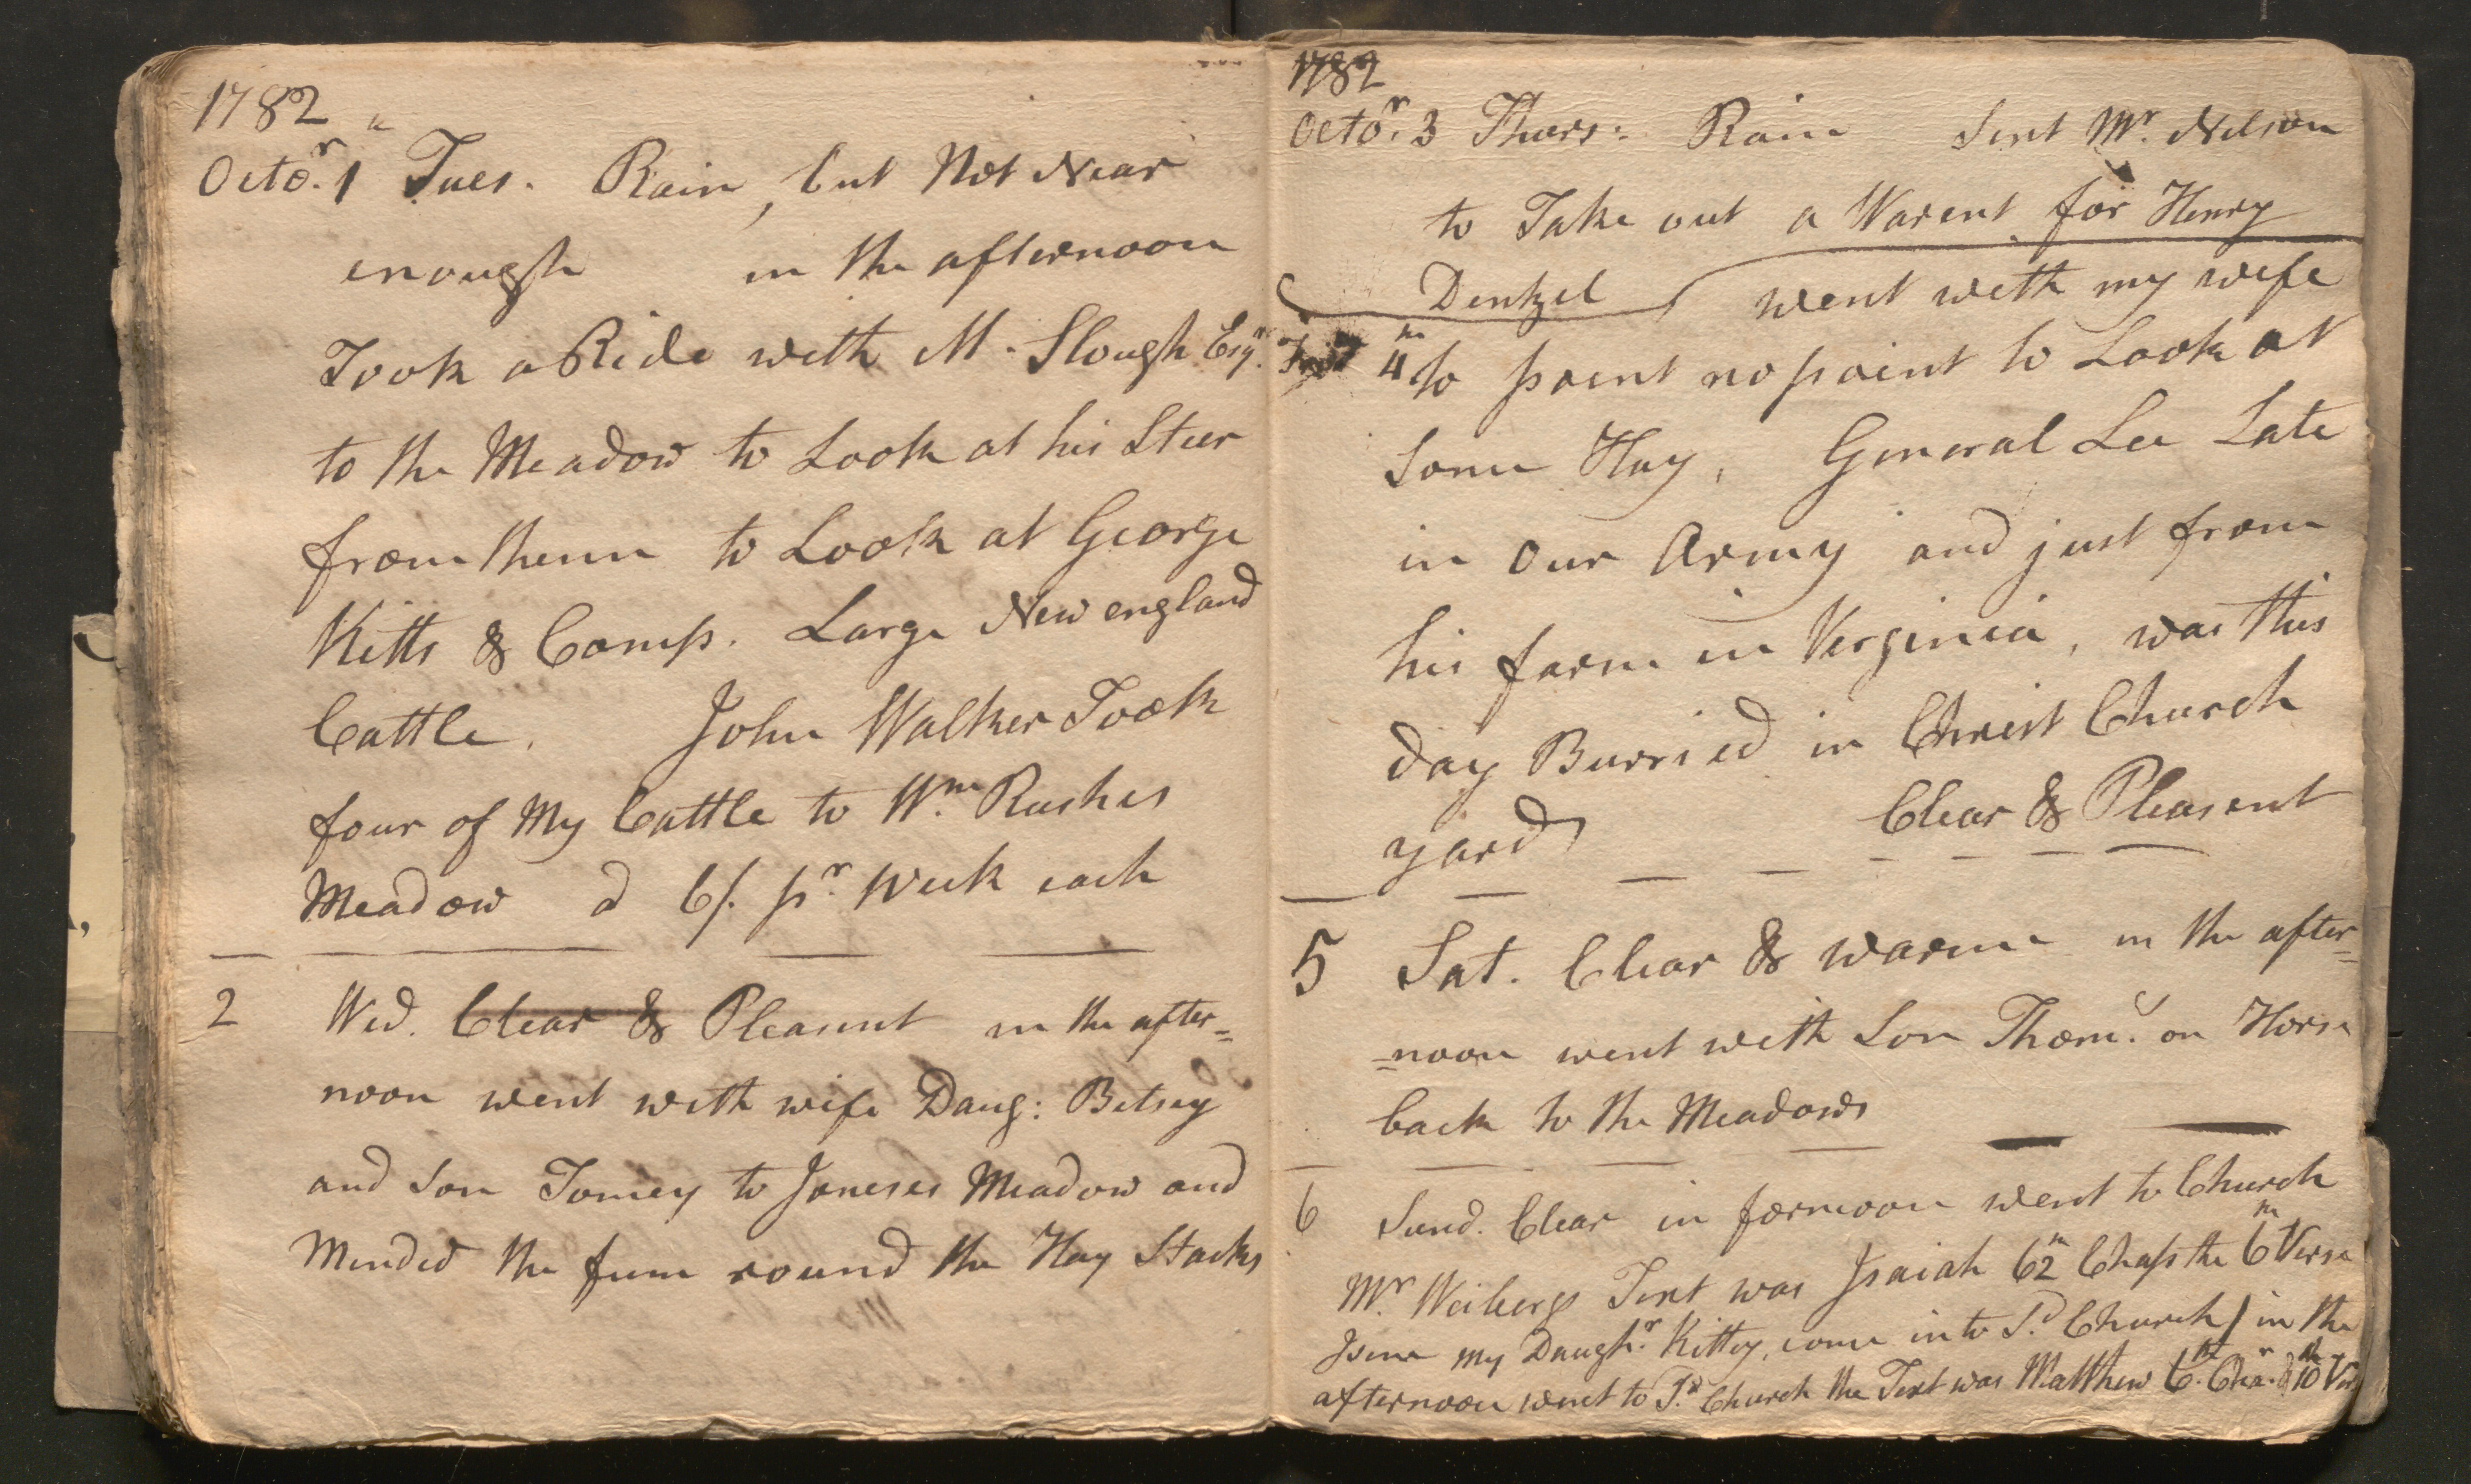1782
Octo^r. 1 Tues. Rain but Not Near
enough in the afternoon
Took a Ride with M^r. Slough Esq^r.
to the Meadow to Look at his steer
from thence to Look at George
Kitts & Comp. Large New england
Cattle. John Walker Took
four of My Cattle to W^m. Rushes
Meadowd @ 6s. p^r. Week each
2 Wed. Clear & Pleasent in the after
noon went with wife Daug^r. Betsey
and Son Tomey to Joneses Meadow and
Mended the fence round the Hay Stacks
Octo^r. 3 Thurs. Rain Sent M^r. Nelson
1782
to Take out a Warent for Henry
Dentzel went with my wife
[___] 4^th to point nopoint to Look at
some Hay. General Lee Late
in our Army and just from
his farm in Virgenia, was this
day Burried in Christ Church
yard
Clear & Pleasent
5 Sat. Clear & warme in the after
noon went with Son Thom^s. on Horse
back to the Meadows
6 Sund. Clear in fornoon went to Church
M^r. Weibergs Text was Isaiah 62^th Chap the 6^th Verse
I seen my Daugh^r. Kittey come into s^d. Church) in the
afternoon went to s^d. Curch the Text was Matthew 6^th Cha^r. & 10^th Ver